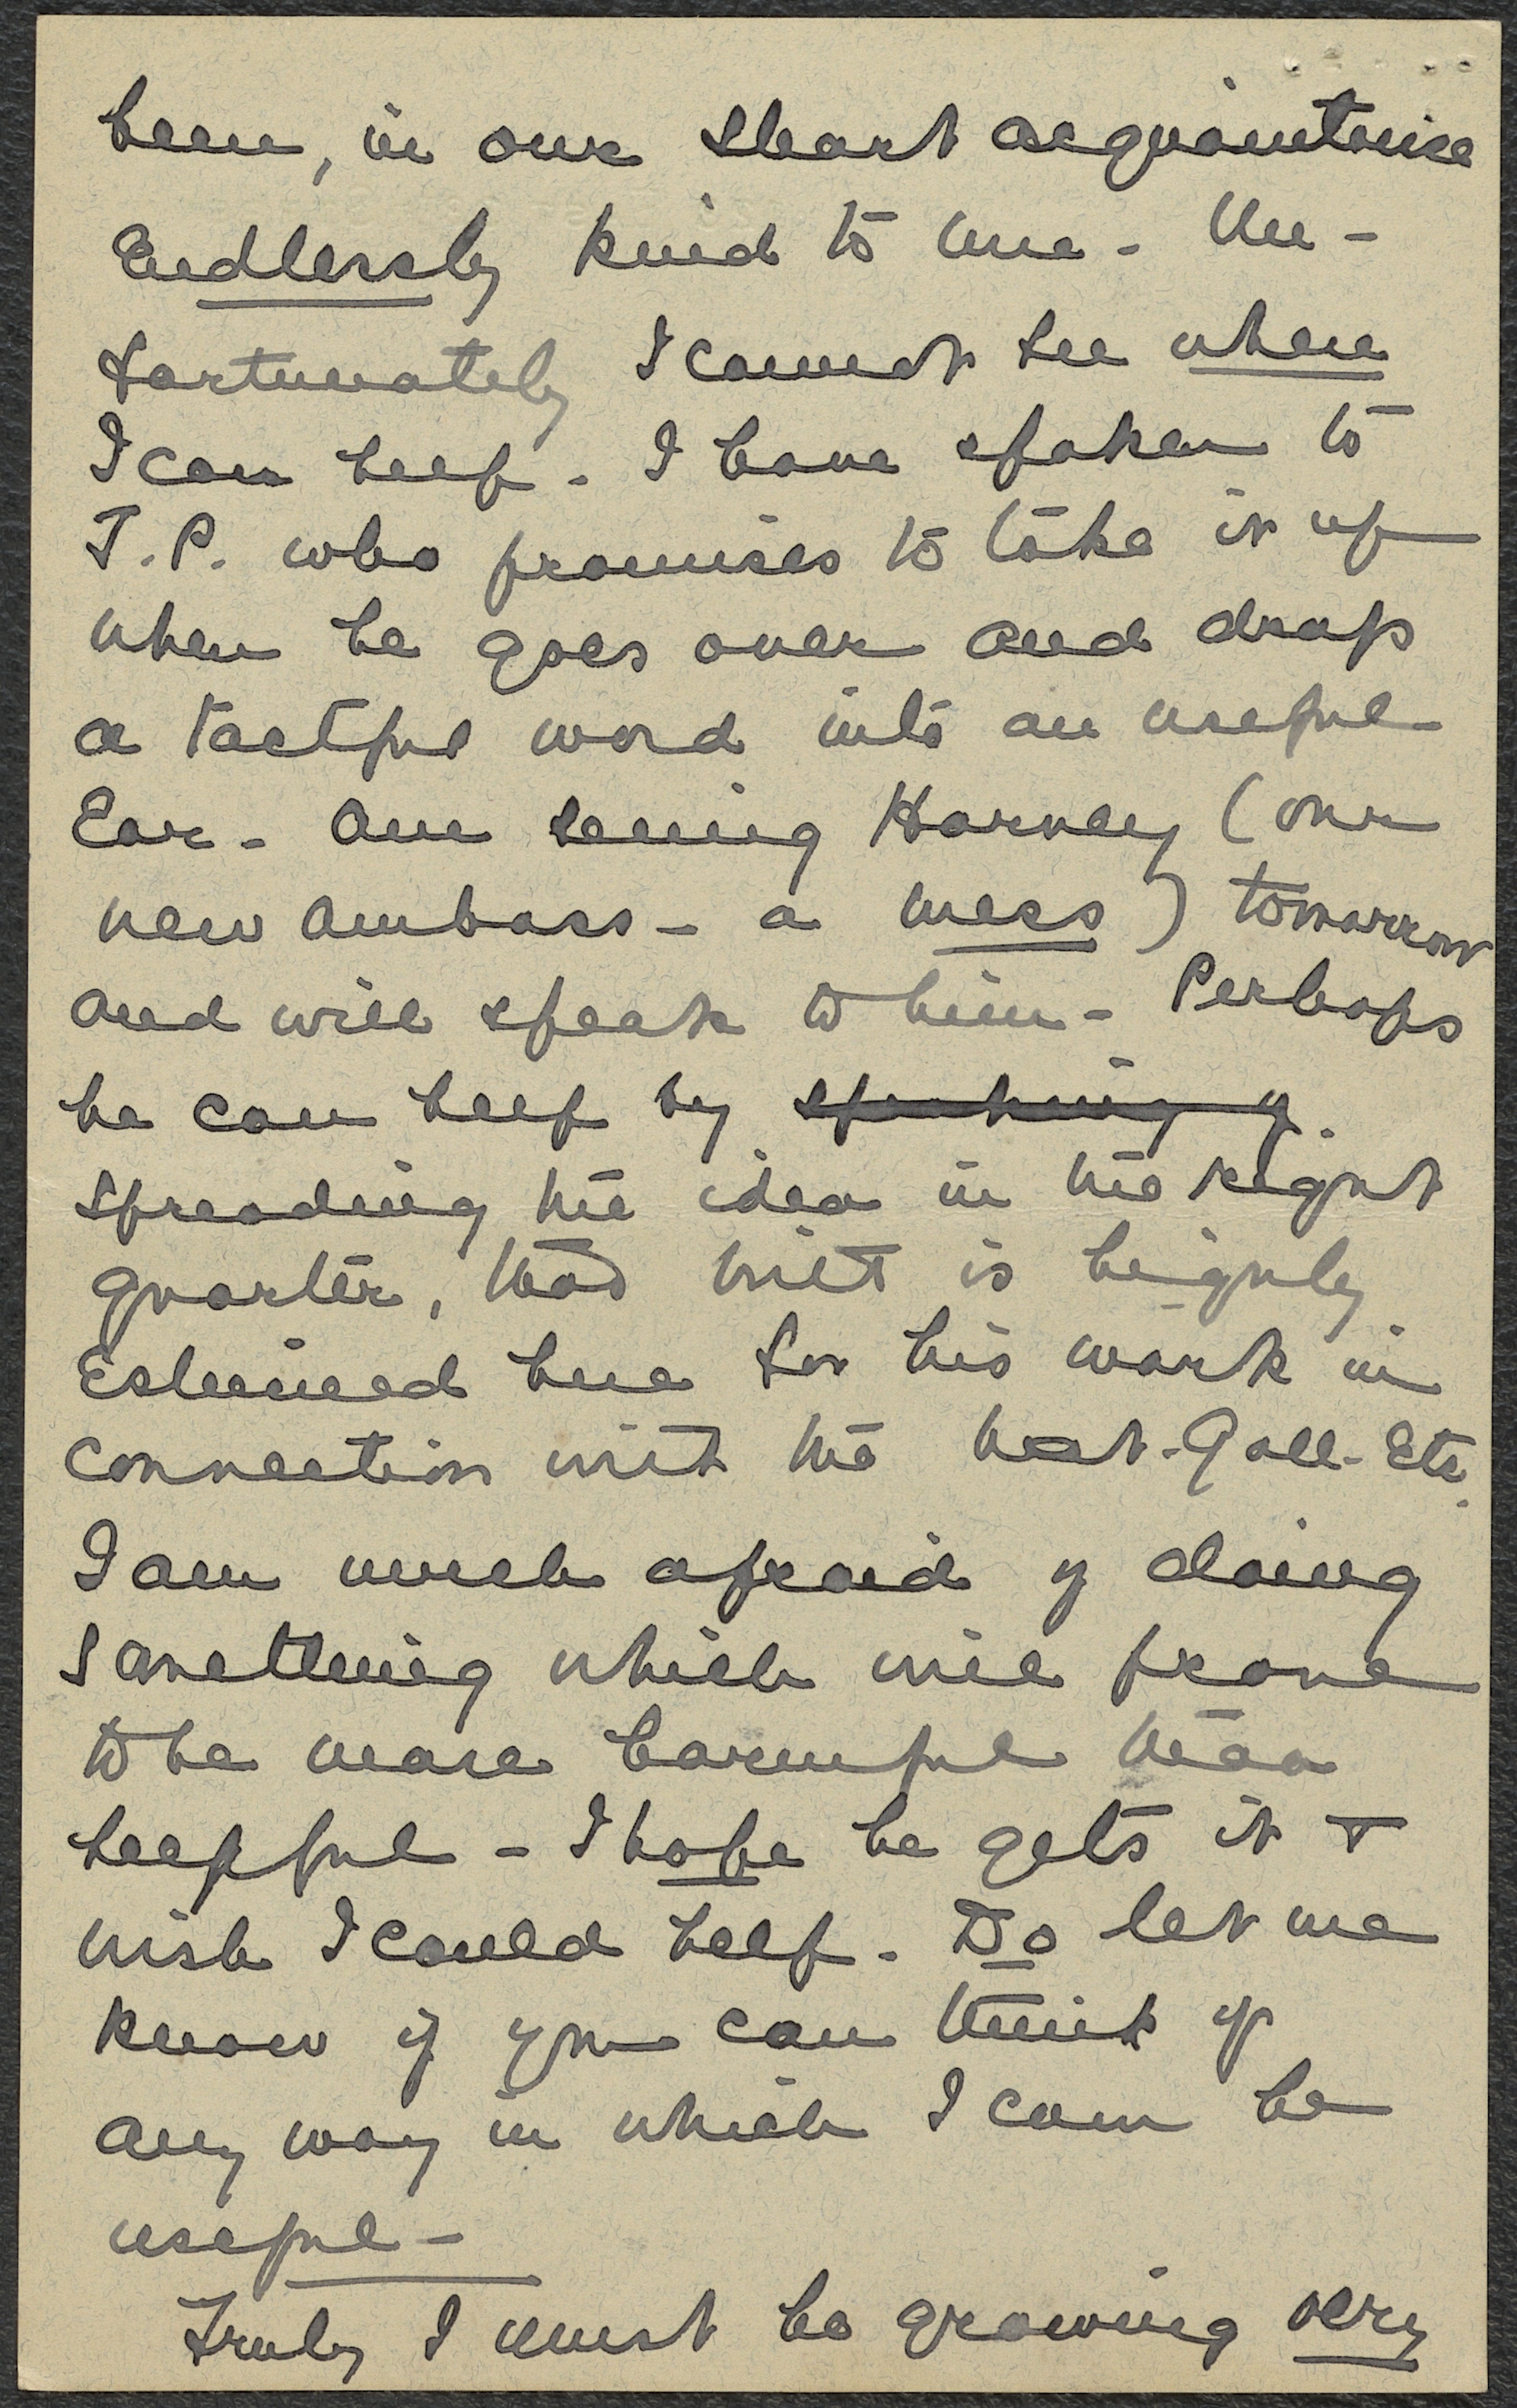been, in our short acquaintance
endlessly kind to me – Unfortunately I cannot see where I can help – I have spoken to J.P. who promises to take it up when he goes over and drop a tactful word into an useful ear – am seeing Harvey (our new ambass – a mess) tomorrow and will speak to him – Perhaps he can help by speaking of spreading the idea in the right quarter, that Witt is highly esteemed here for his work in connection with the Nat. Gall. etc. I am much afraid of doing something which will prove to be more harmful than helpful – I hope he gets it & wish I could help – Do let me know if you can think of any way in which I can be useful –
Truly I must be growing very